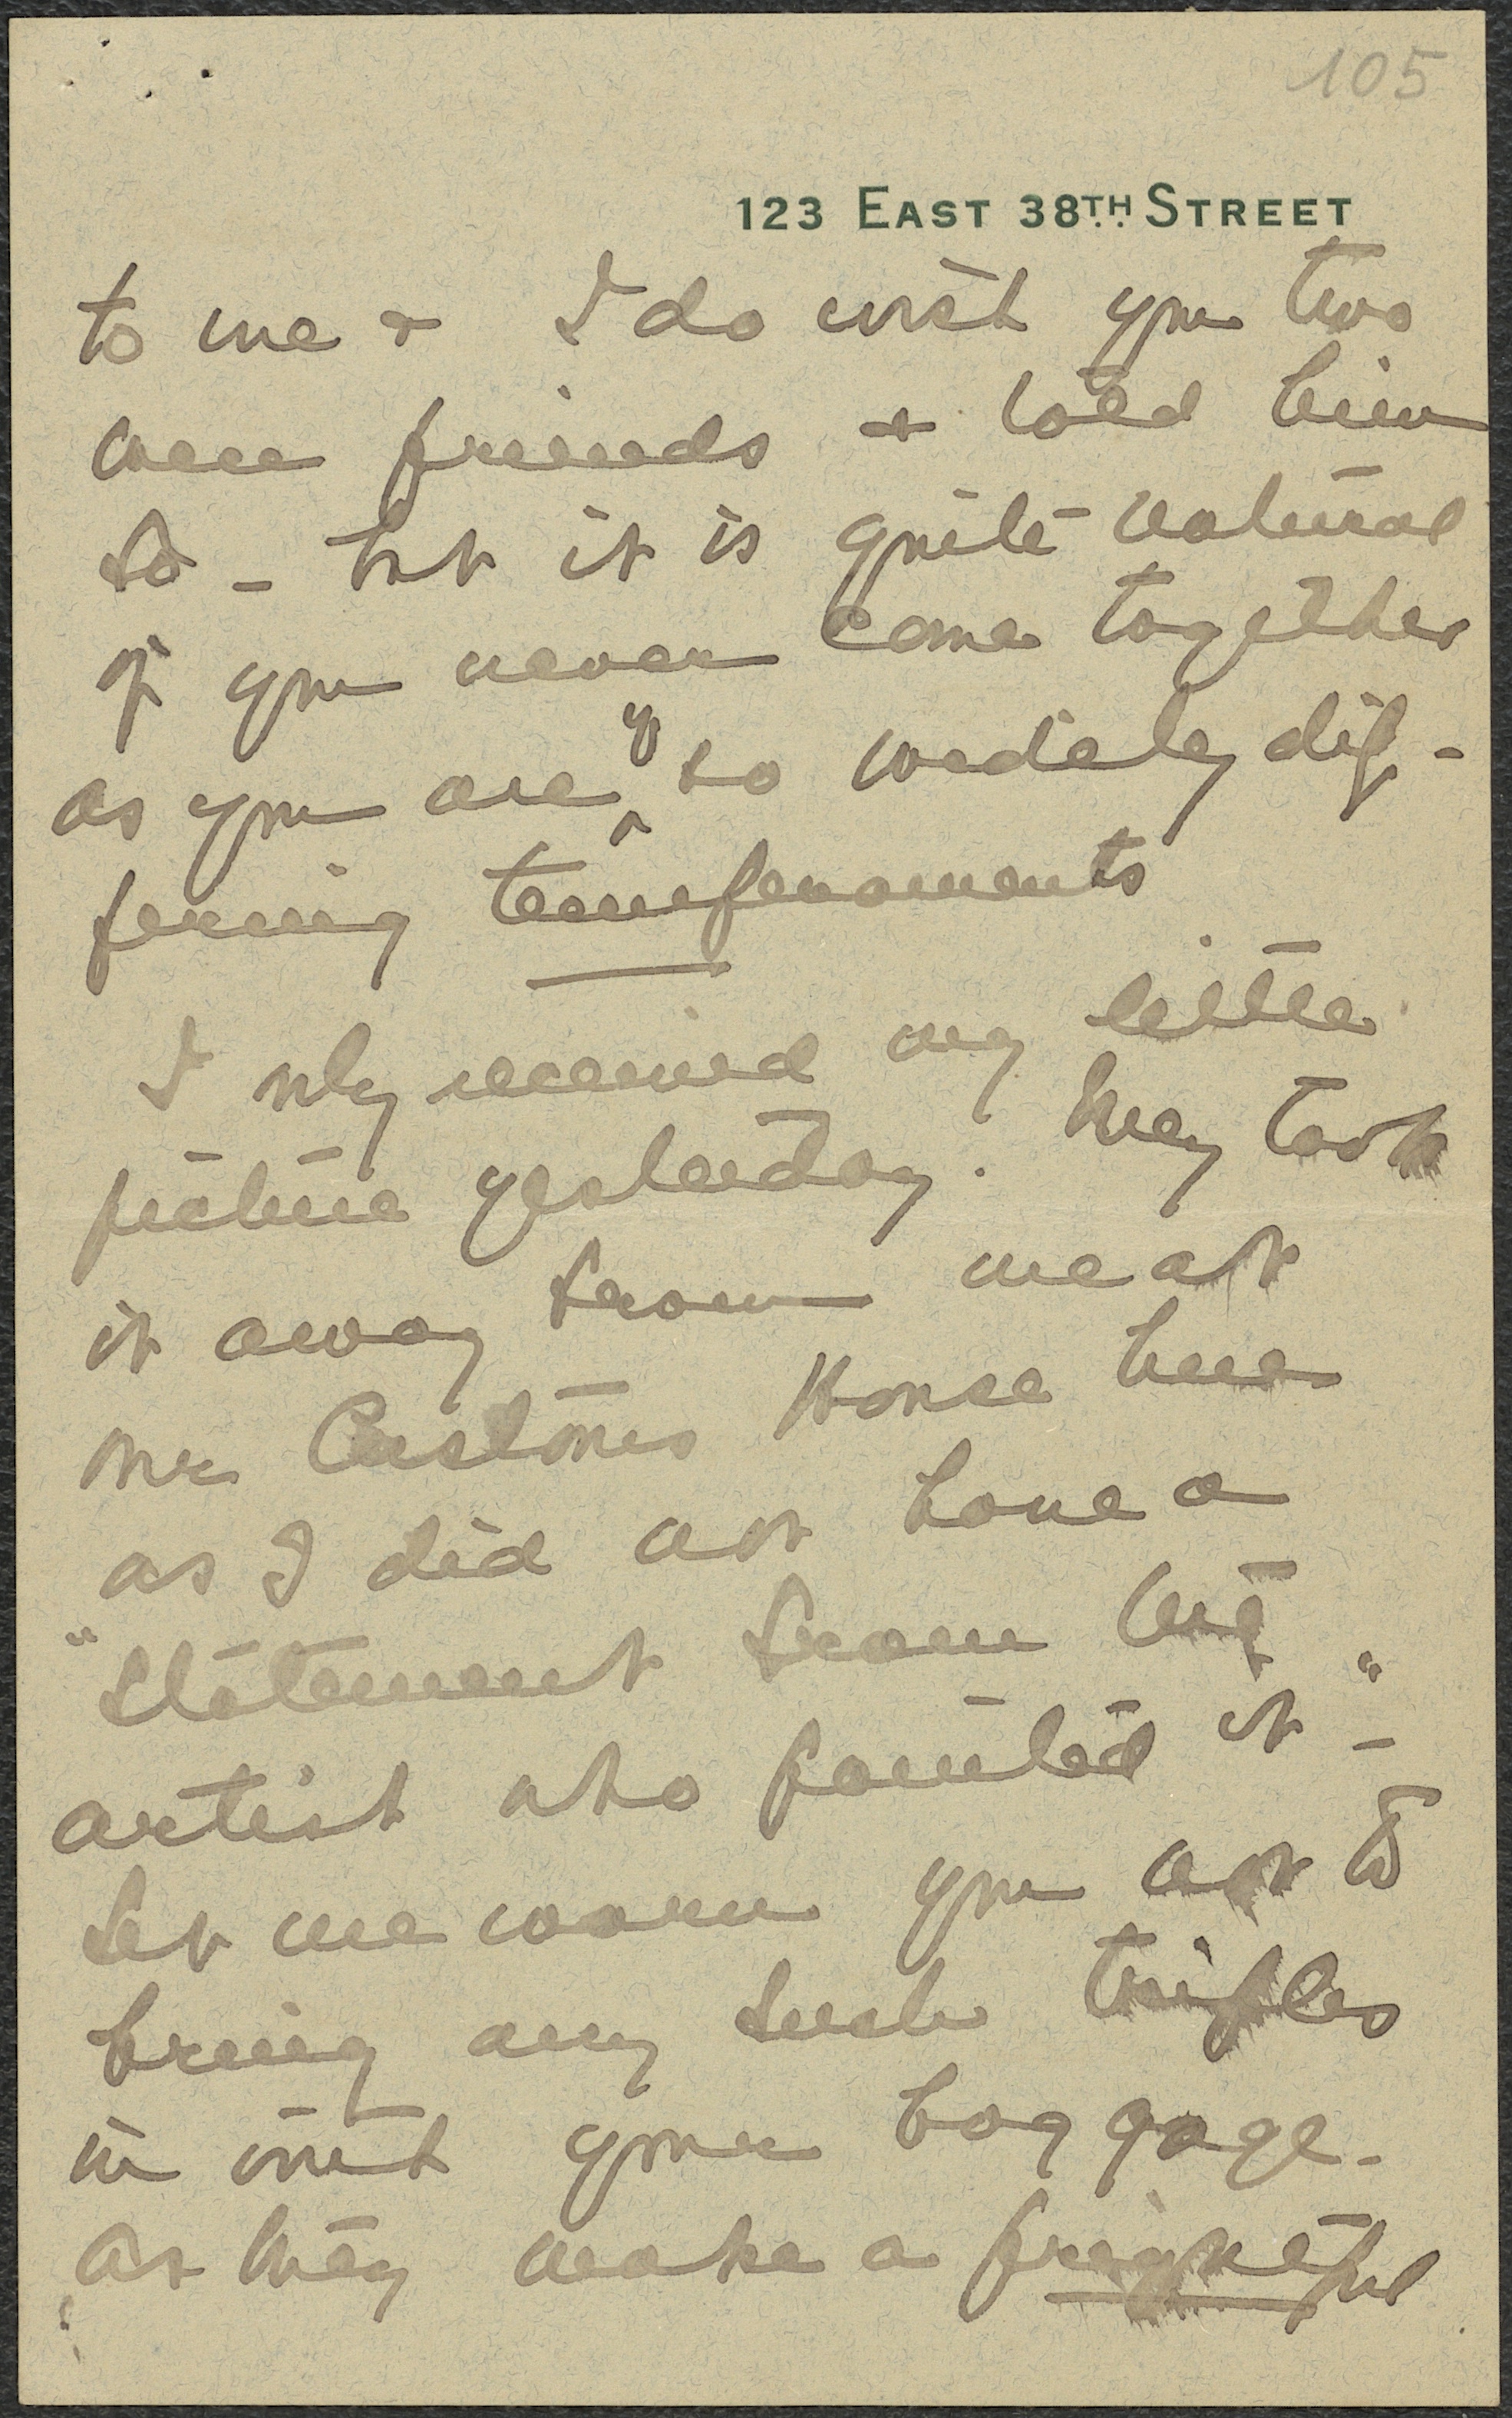to me & I do wish you two were friends & told him so – but it is quite natural if you never come together as you are [^of^] so widely differing temperaments
I only received my little picture yesterday. They took it away from me at our Customs House here as I did not have a “statement from the artist who painted it” – Let me warn you not to bring any such trifles in with your baggage – or they make a frightful